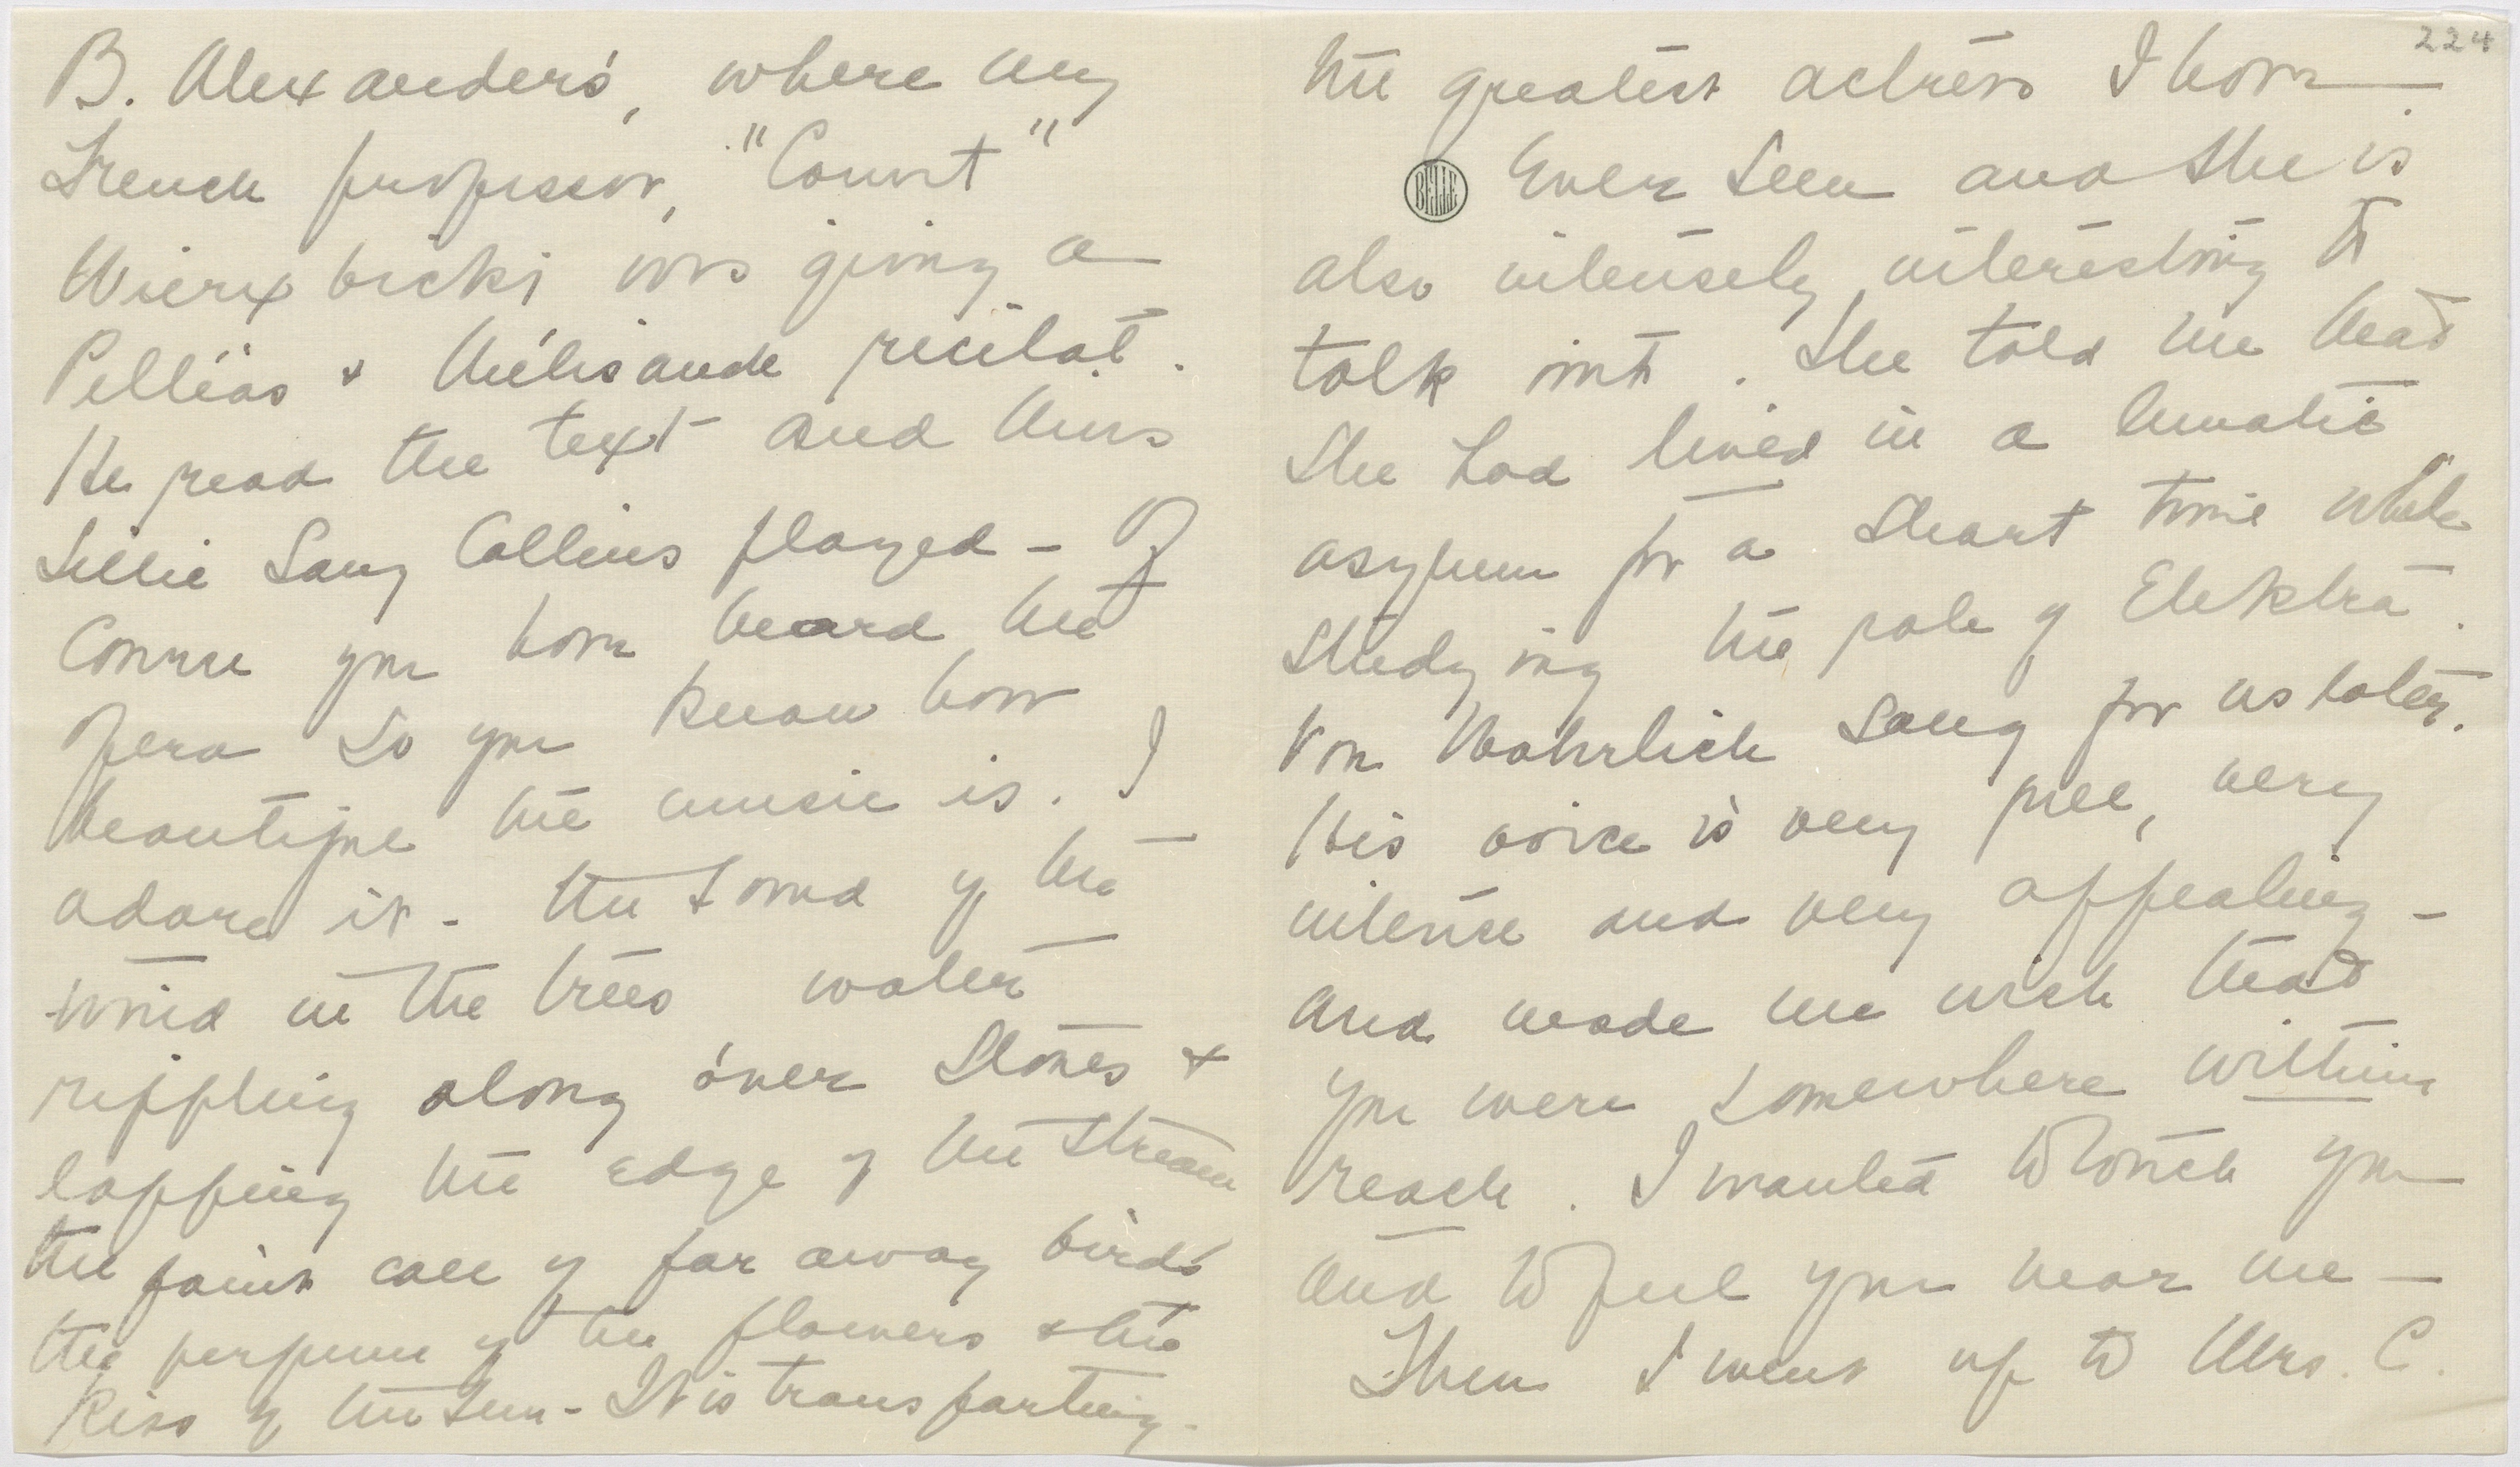the greatest actress I have ever seen and she is also intensely interesting to talk with. She told me that she had lived in a lunatic asylum for a short time while studying the role of Elektra. Von Wahrlich sang for us later. His voice is very full, very intense and very appealing – and made me wish that you were somewhere within reach. I wanted to touch you and to feel you near me – Then I went up to Mrs. C.
B. Alexander’s, where my French professor, “Count” Wierzbicki was giving a Pelléas & Mélisande recital. He read the text and Miss Lillie Lang Collins played – of course you have heard the opera so you know how beautiful the music is. I adore it. The sound of the wind in the trees water rippling along over stones & lapping the edge of the stream the faint call of far away birds the perfume of the flowers & the kiss of the sun – It is transporting.